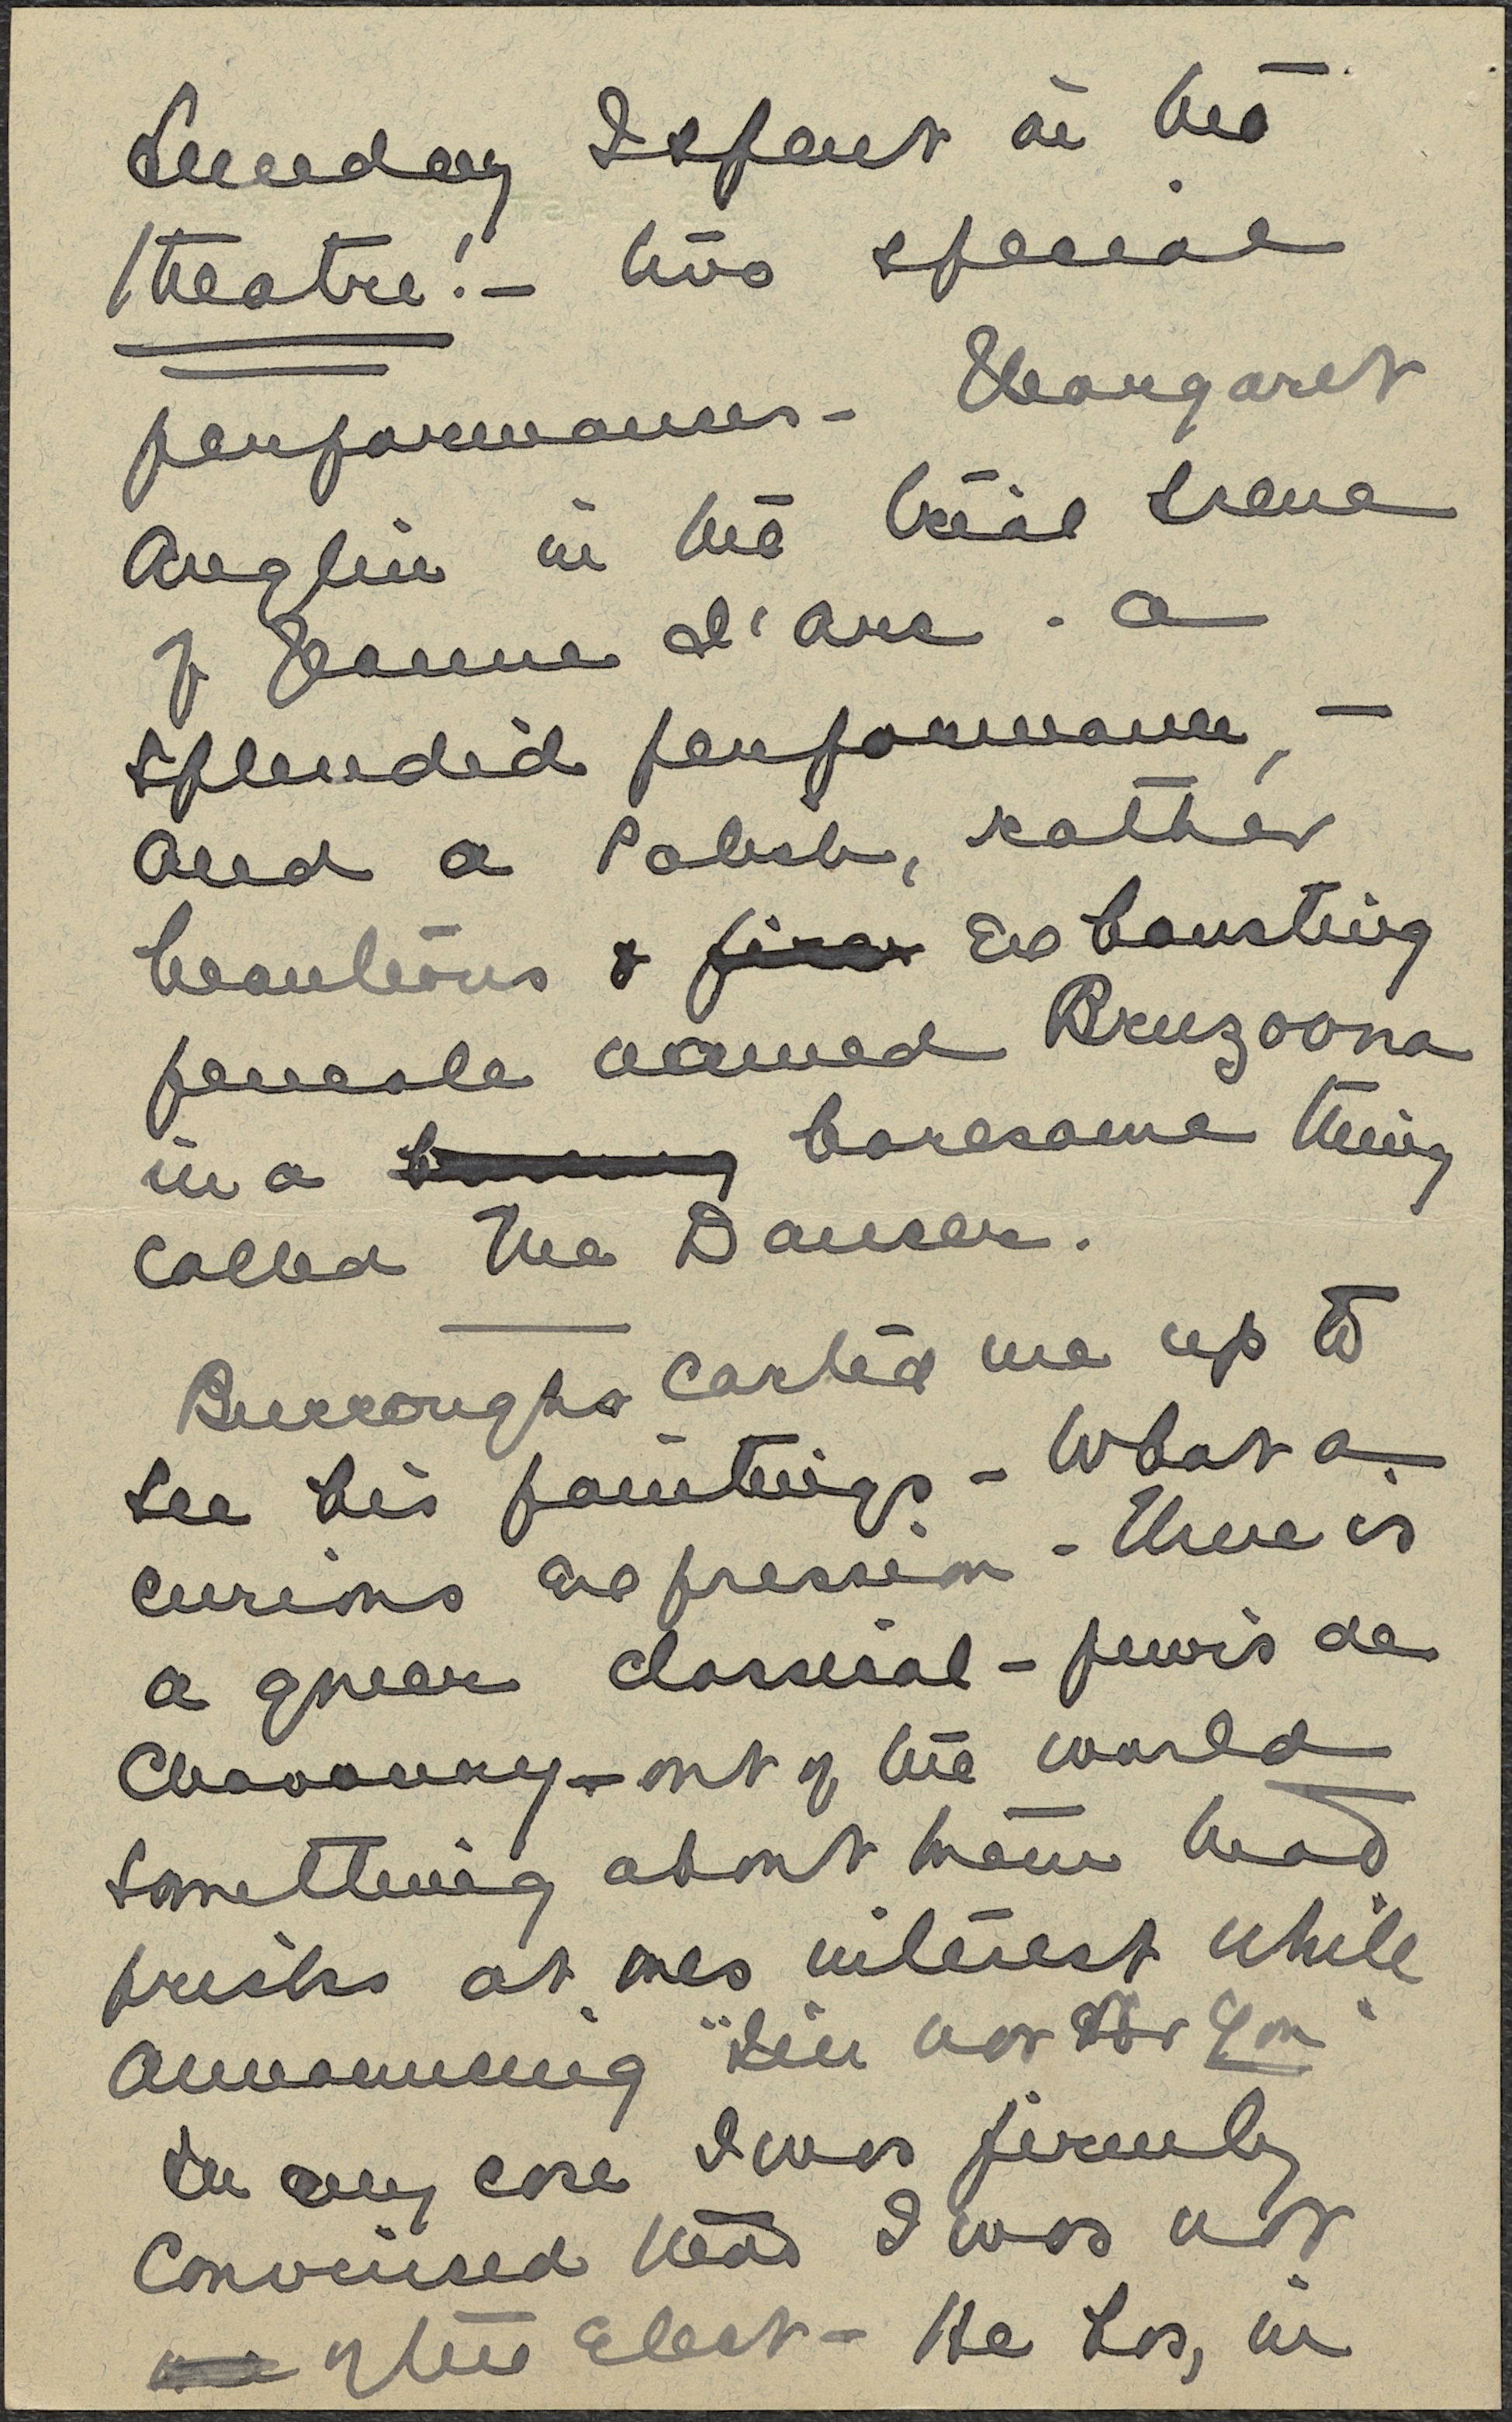Sunday I spent in the [double underlined: theatre!] – two special performances – Margaret Anglin in the trial scene of Joanne d'Arc. A splendid performance – and a Polish, rather beauteous & first exhausting female named Bruzoona in a boring boresome thing called The Dancer.
Burroughs carted me up to see his paintings – What a curious expression – There is a queer classical – Puvis de Chavanny – out of the world something about them that pricks at ones interest while announcing "I'm not for You"
In my case I was firmly convinced that I was not one of the elect – He has, in